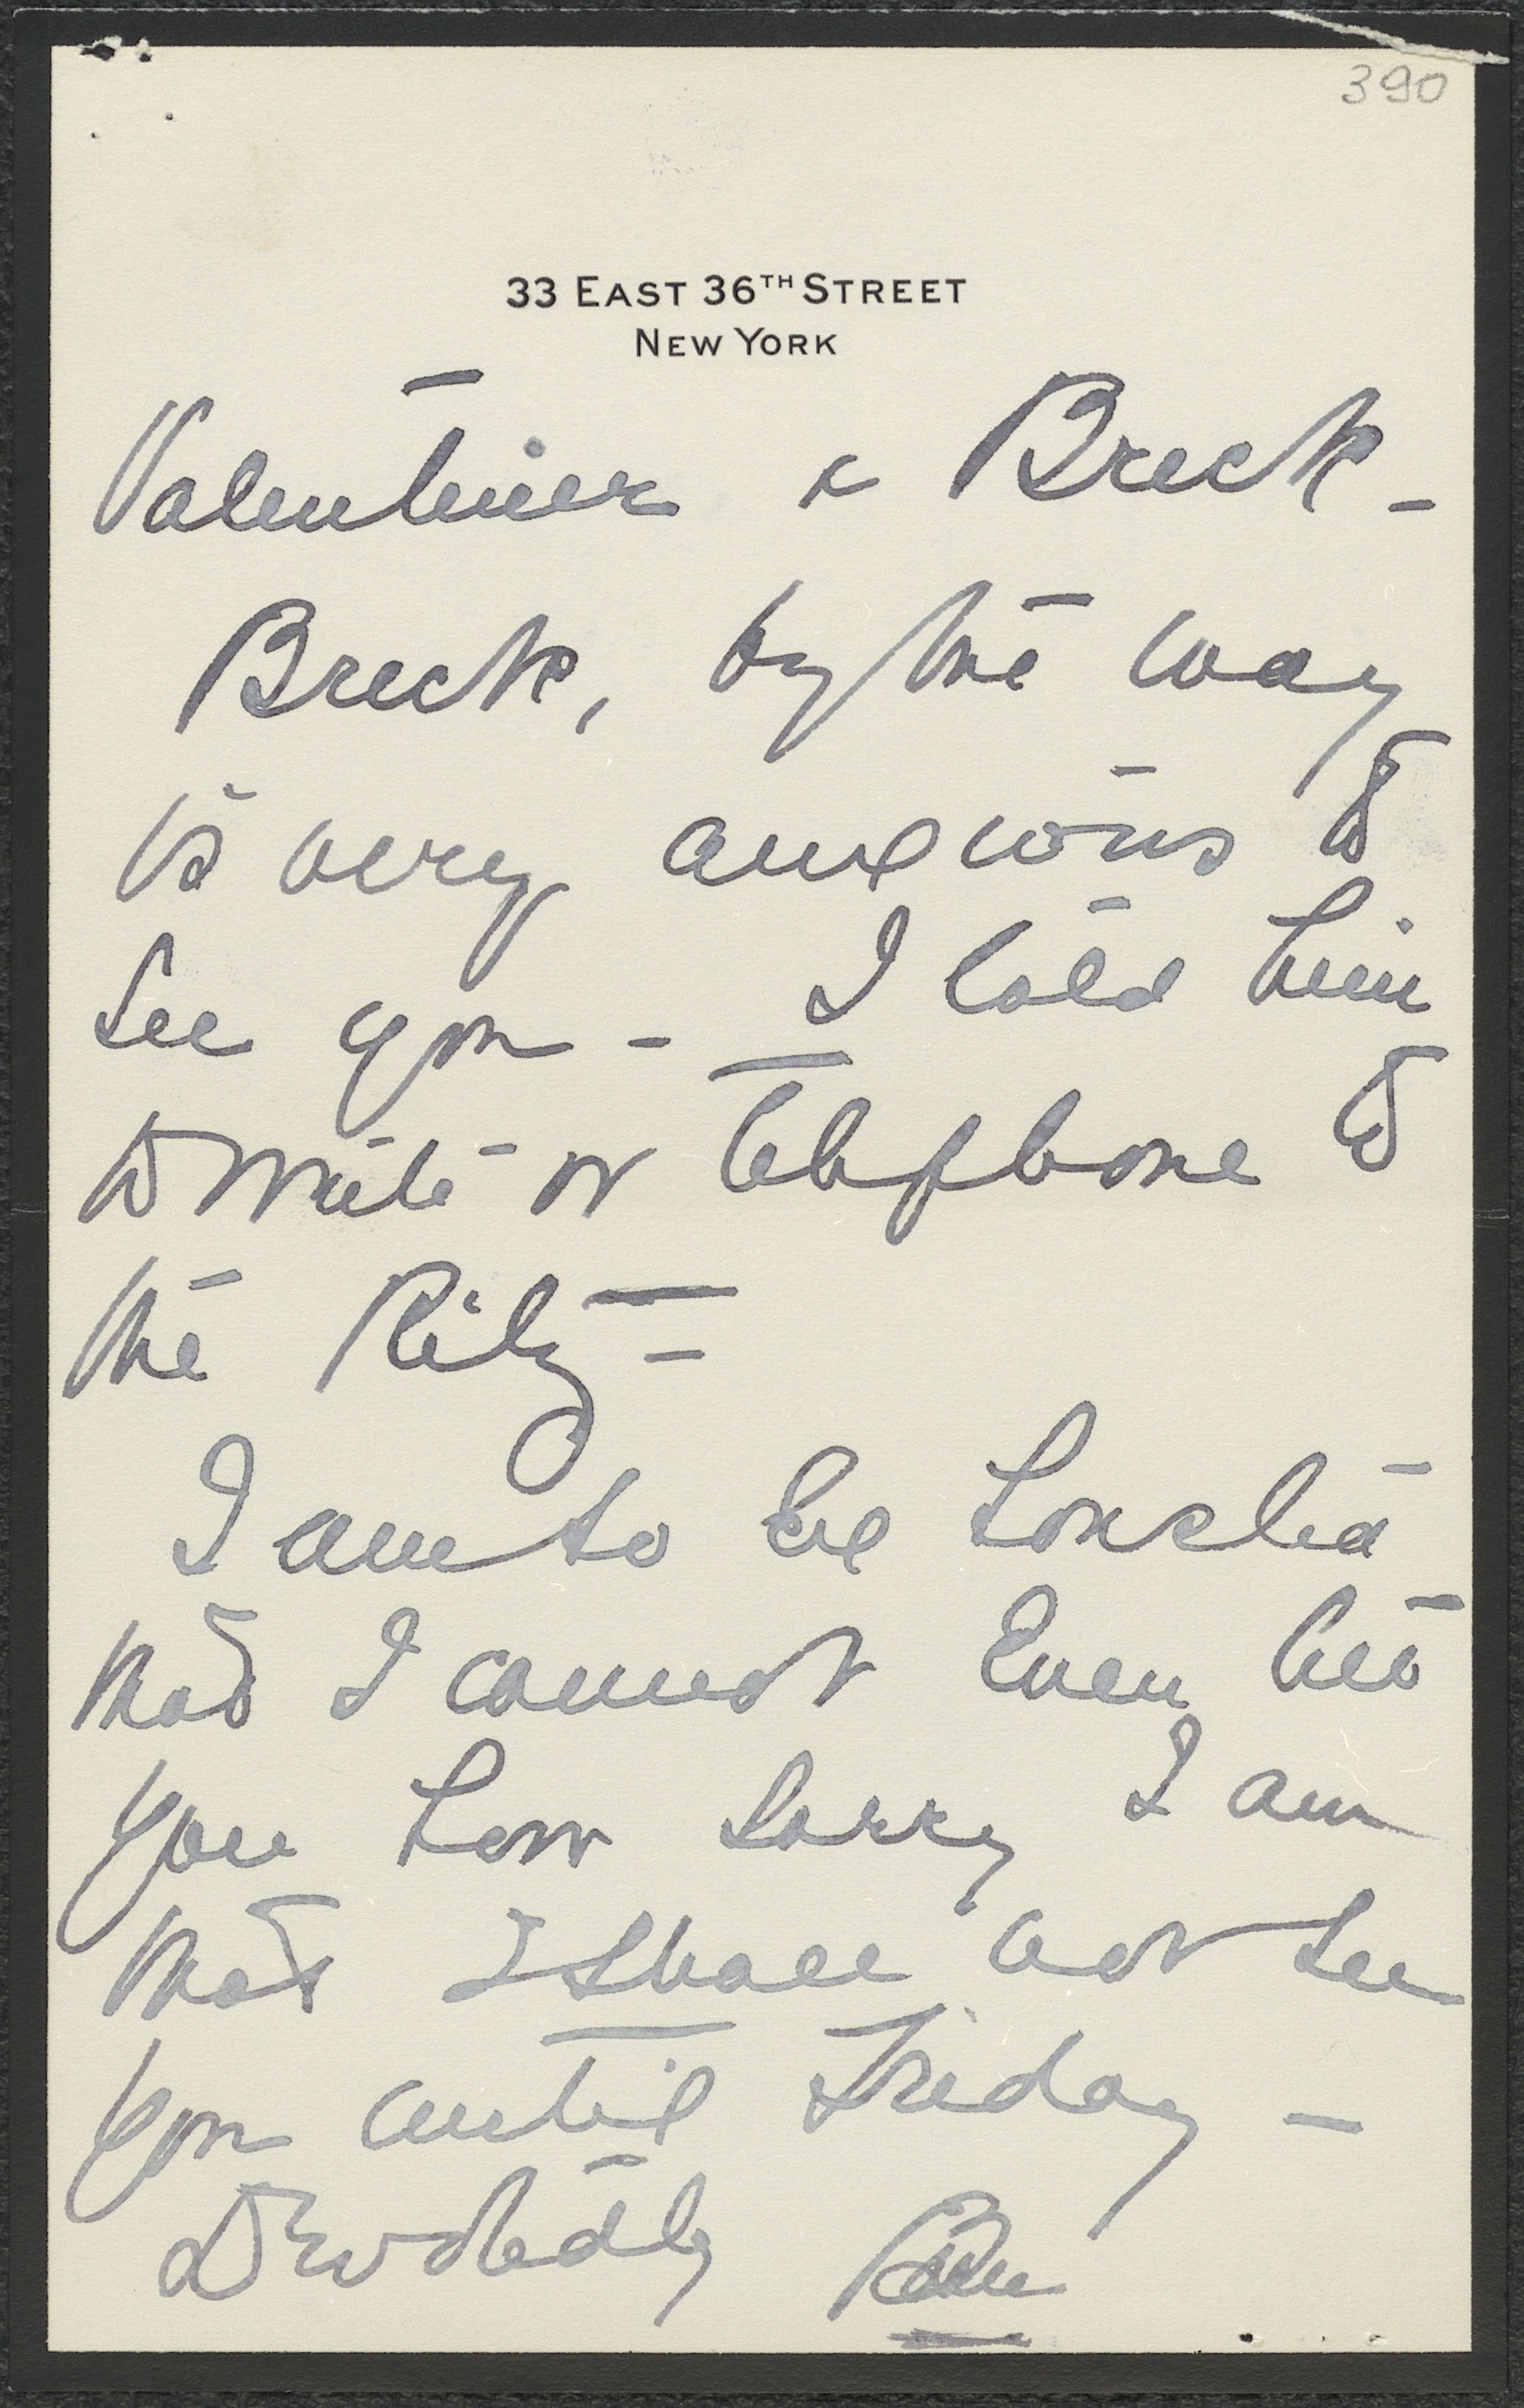Valentiner & Breck – Breck, by the way is very anxious to see you – I told him to write or telephone to the Ritz –
I am so exhausted that I cannot even tell you how sorry I am not I shall not see you until Friday –
Devotedly Belle